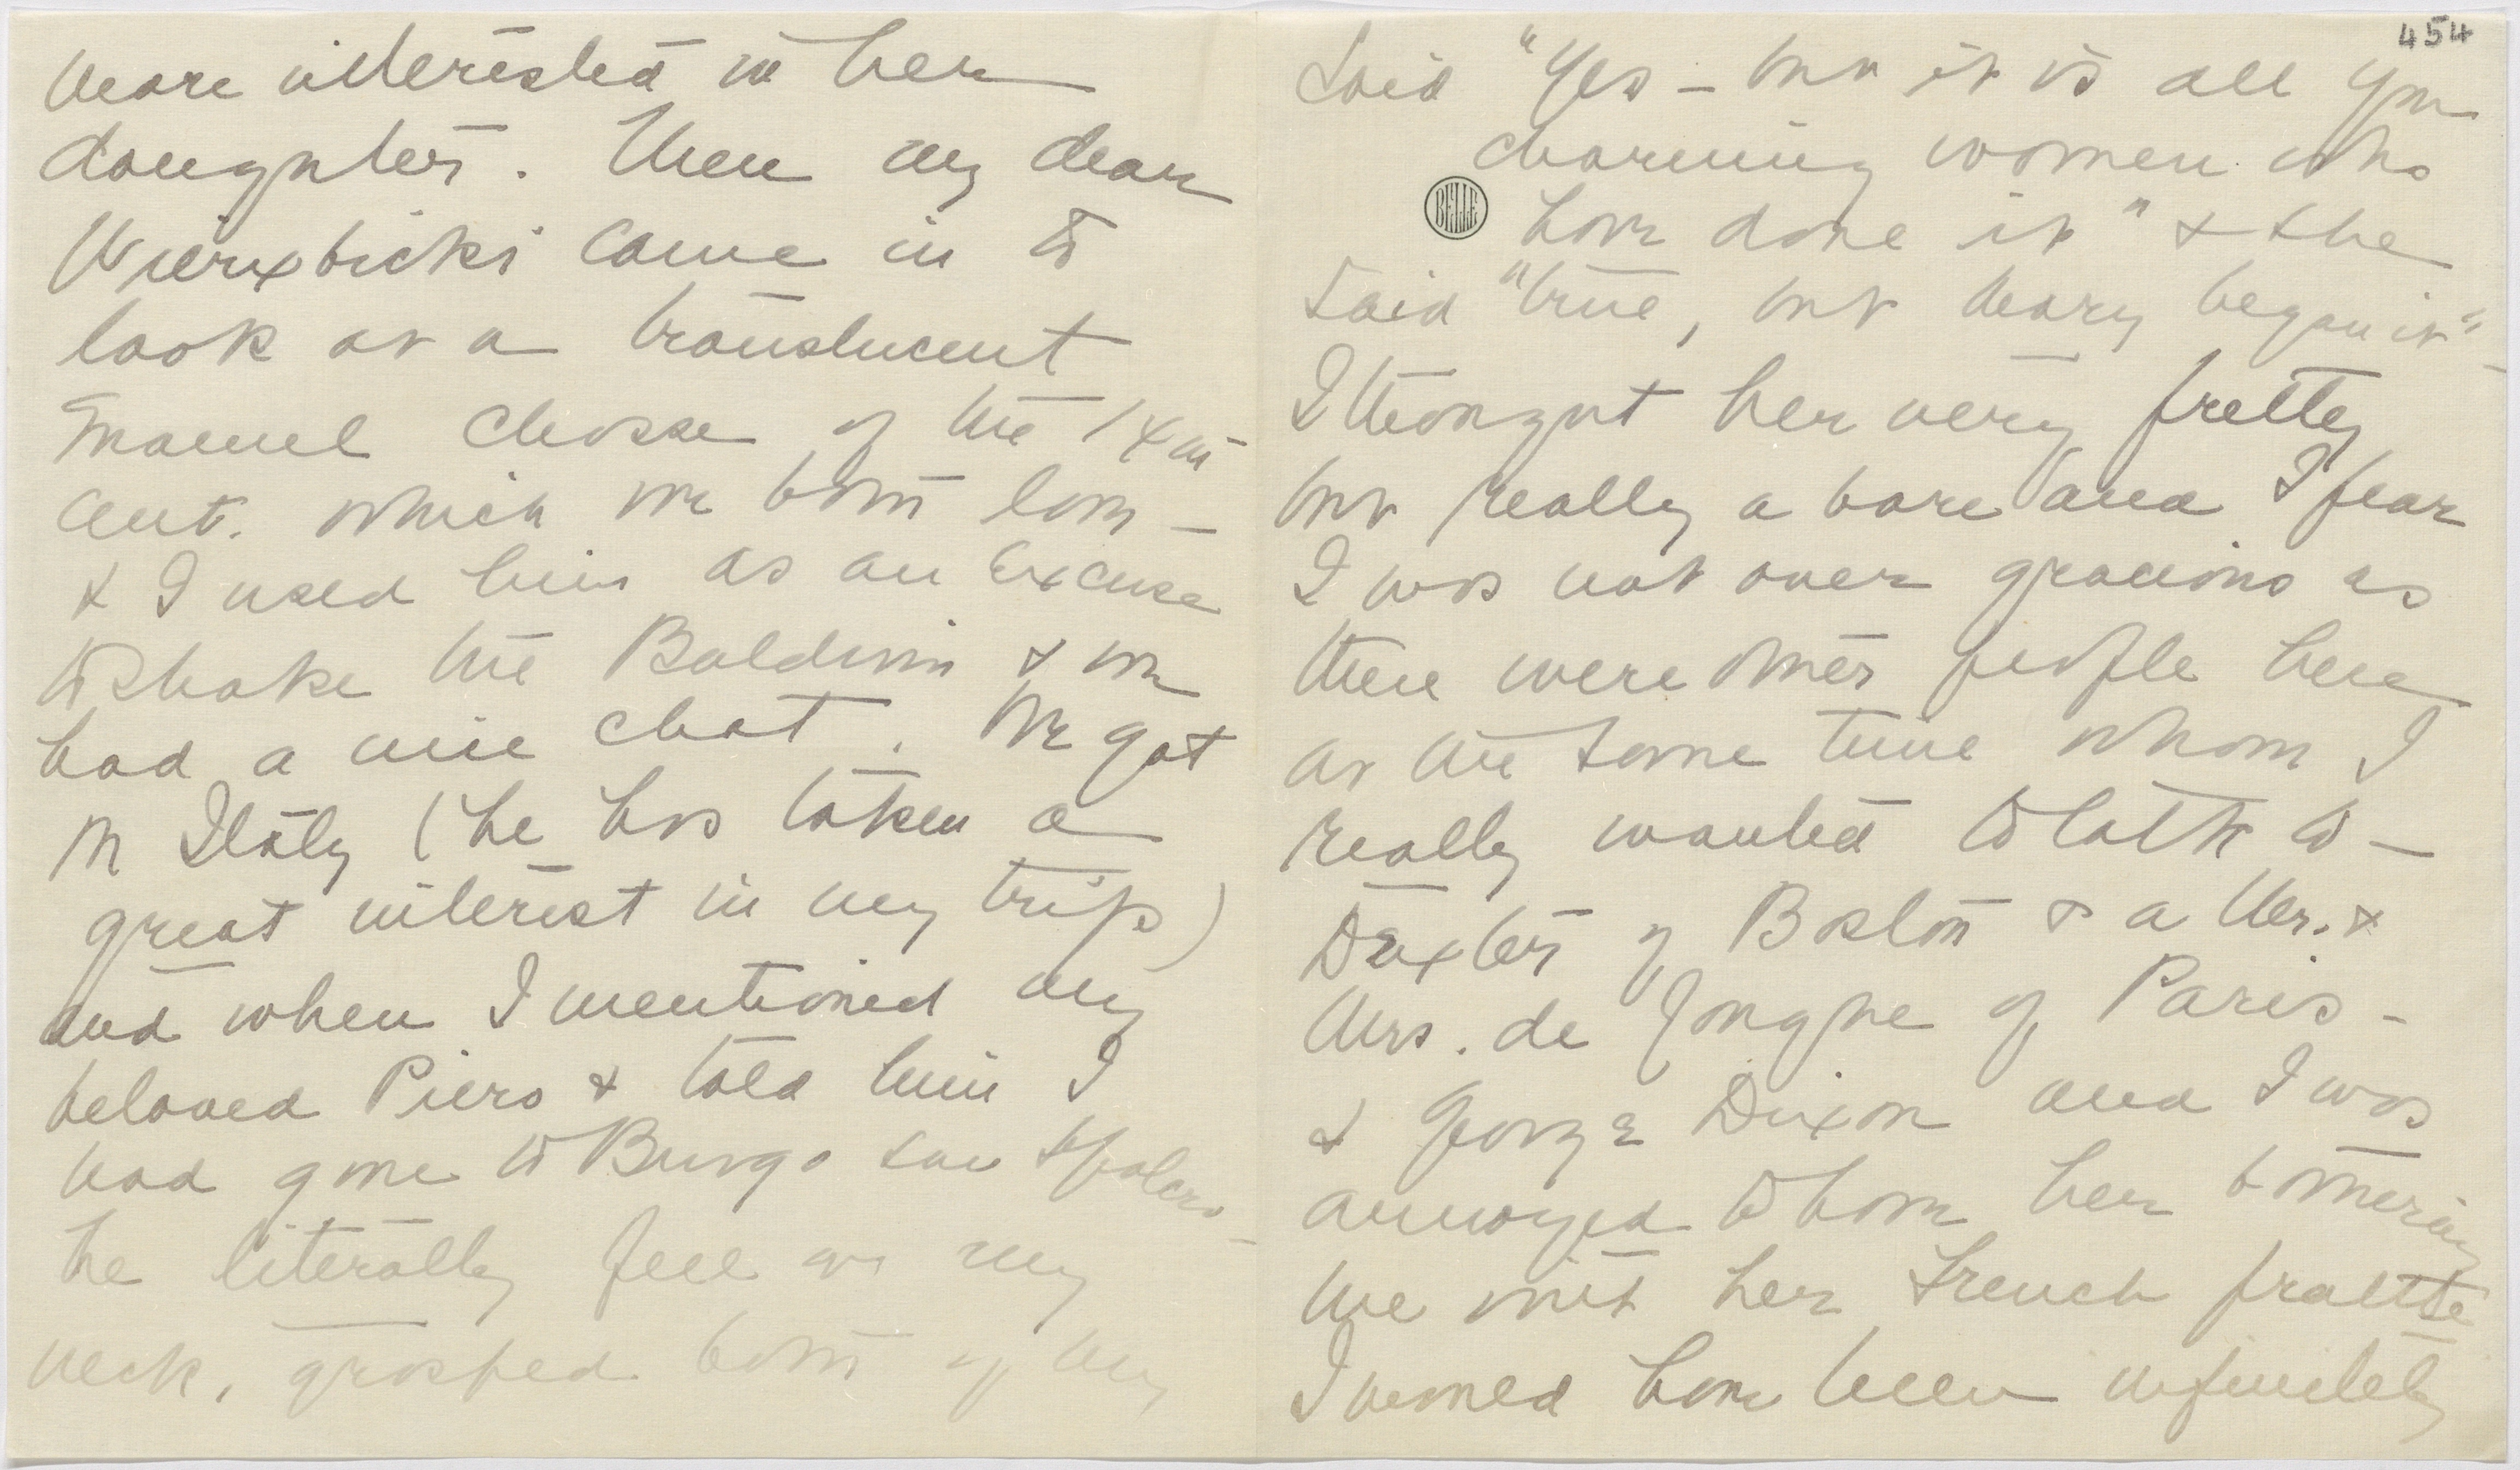said “yes – but it is all you charming women who have done it” & she said “true, but Mary began it” – I thought her very pretty but really a bore and I fear I was not over gracious as there were other people here at the same time whom I really wanted to talk to – Dexter of Boston & a Mr. & Mrs. de Jonghe of Paris – & George Dixon and I was annoyed to have her bothering me with her French prattle I would have been infinitely
more interested in her daughter. Then my dear Wierzbicki came in to look at a translucent enamel chasse of the IXth cent. which we both love – & I used him as an excuse to shake the Baldwin & we had a nice chat. We got on Italy (he has taken a great interest in my trip) and when I mentioned my beloved Piero & told him I had gone to Burgo [sic] san Sepolcro – he literally fell on my neck, grasped both of my